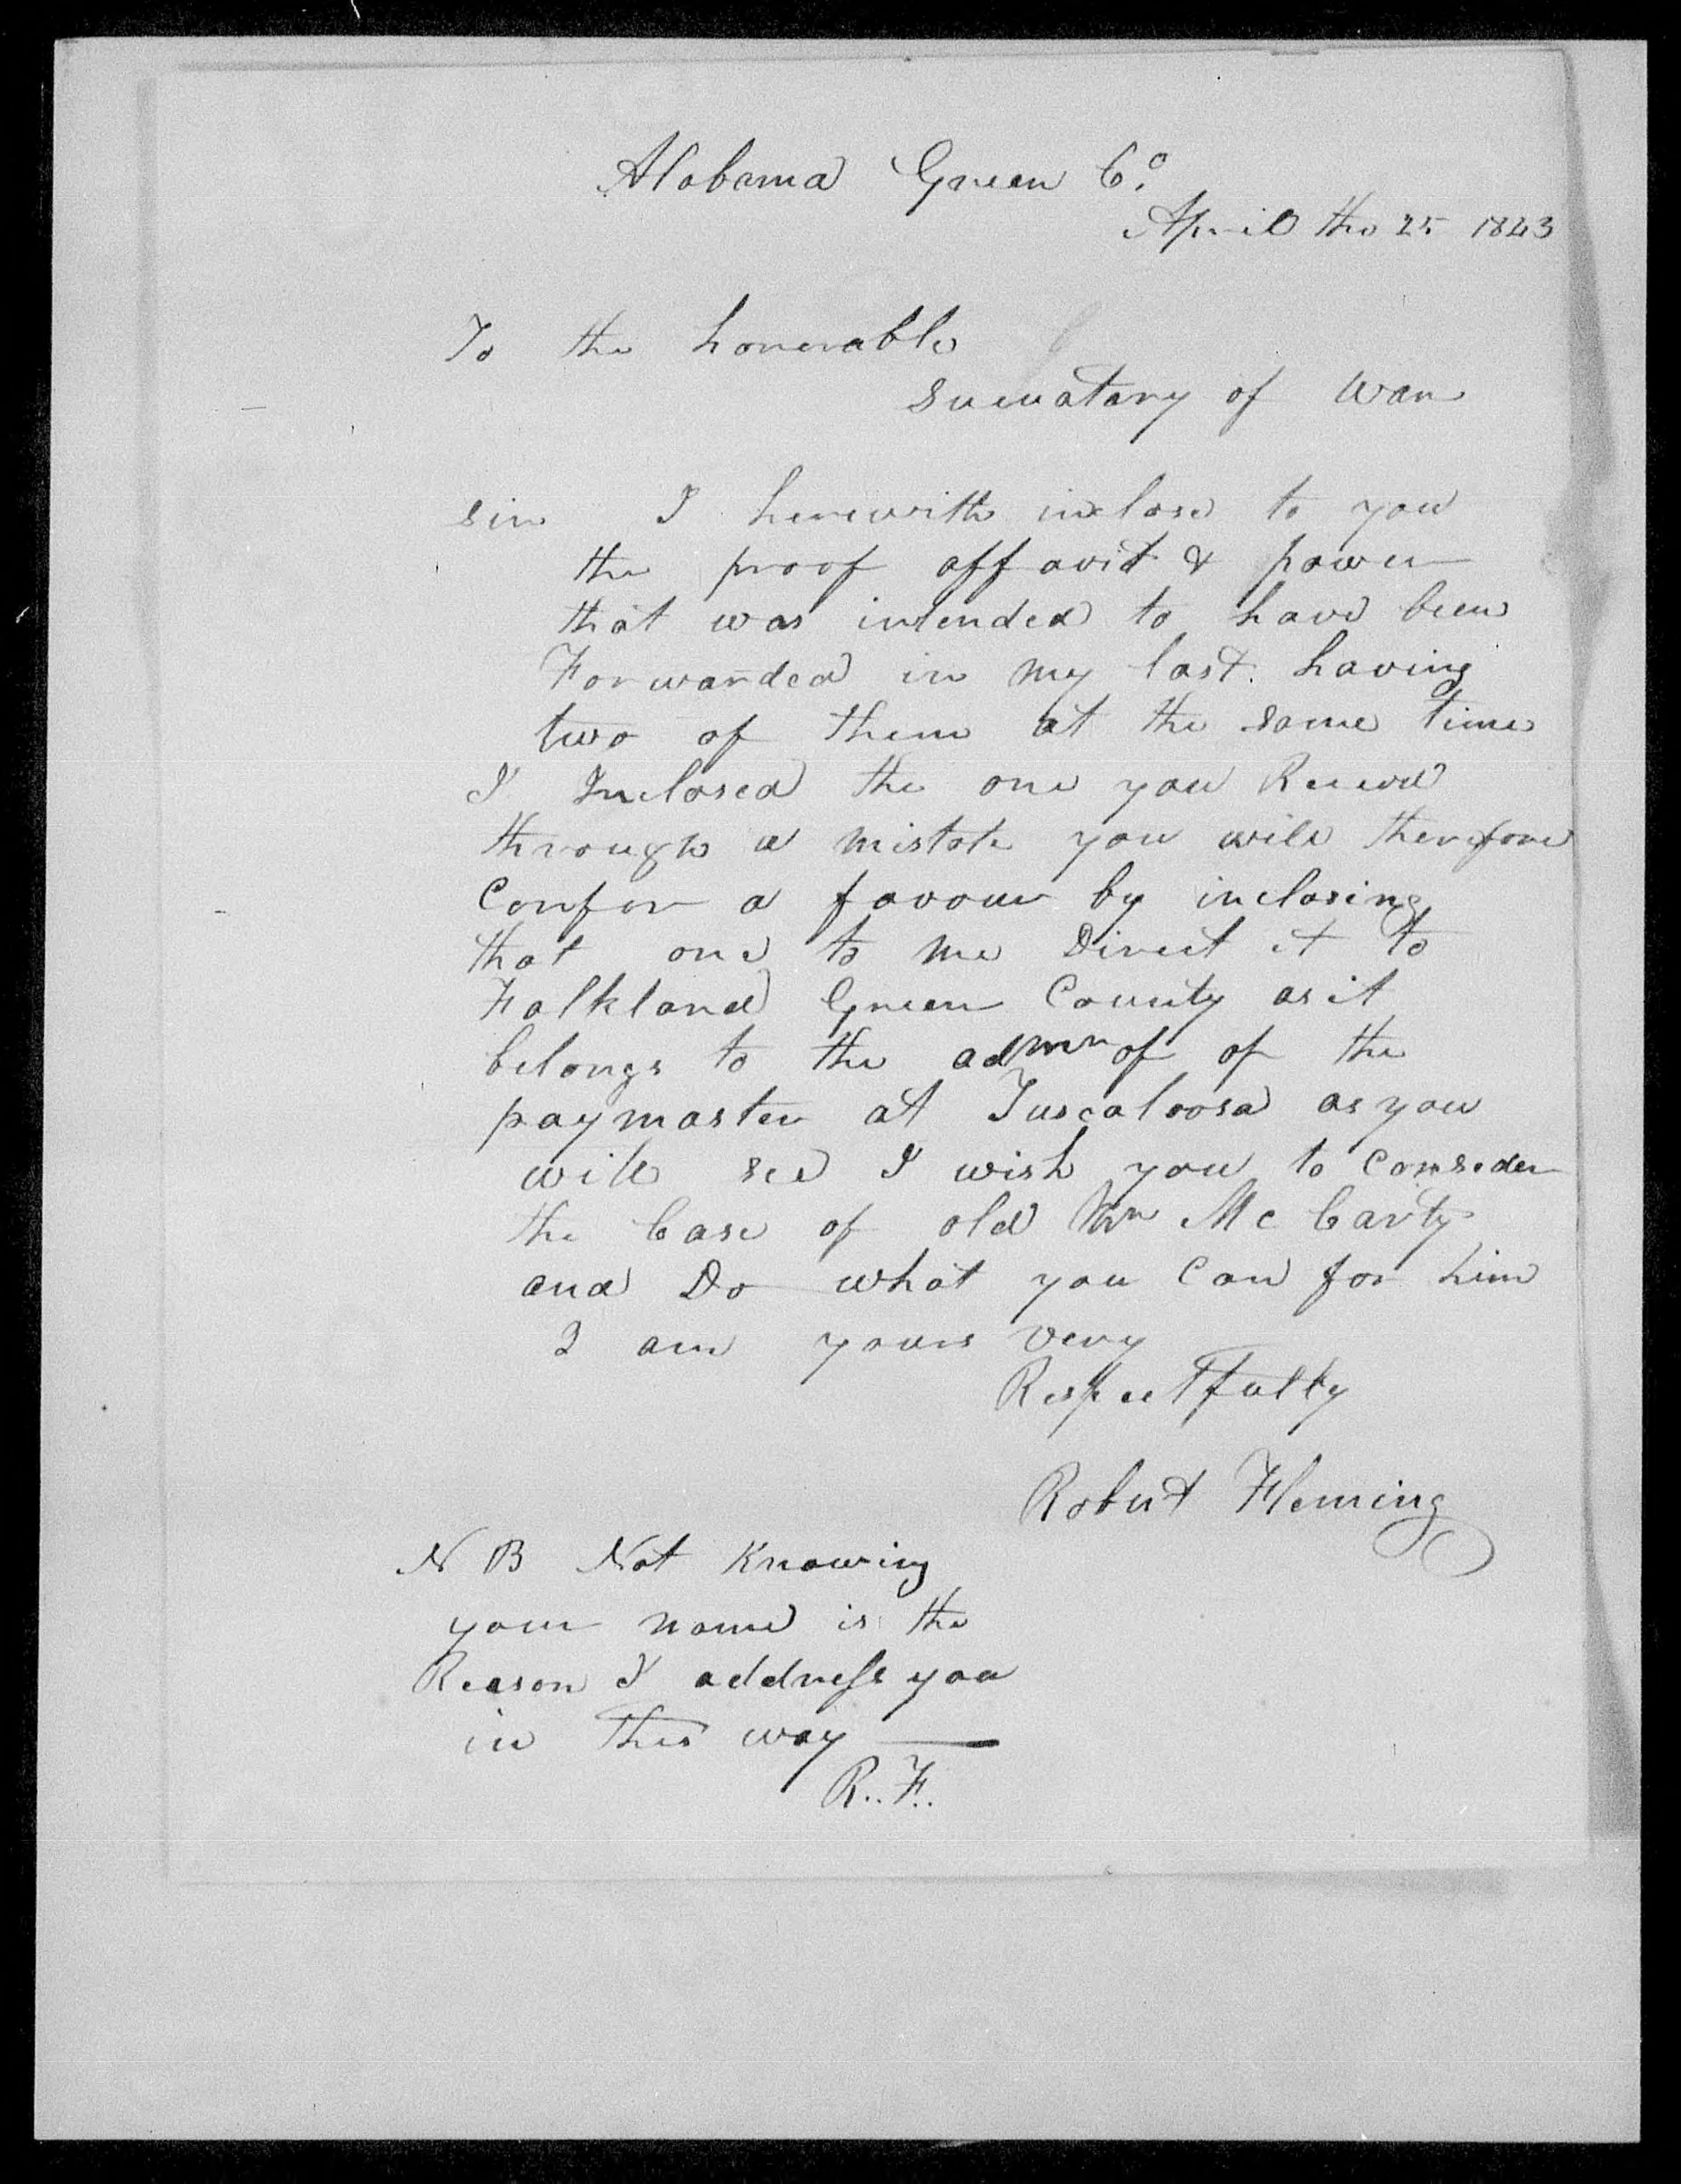Alabama Green Co
April the 25 1843
to the honorable Secretary of War
Sir I herewith enclose to you the proof affffidavit  & power that was intended to have been Forwarded in my last having two of them at the same time I Inclosed the one you Recd
through a mistake you will therefore confer a favor by inclosing that one to me direct it to
Falkland Green County as it belongs to the admin of of the paymaster at Tuscaloosa as you will see I wish you to consider the case of old Mr McCarty and do what you can for him
I am yours very Respectfully
Robert Fleming
N B Not knowing your name is the Reason I address you in this way-
R.F.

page: 28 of 45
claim: survivor's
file: S. 13,890, for James Mc Carter, South Carolina